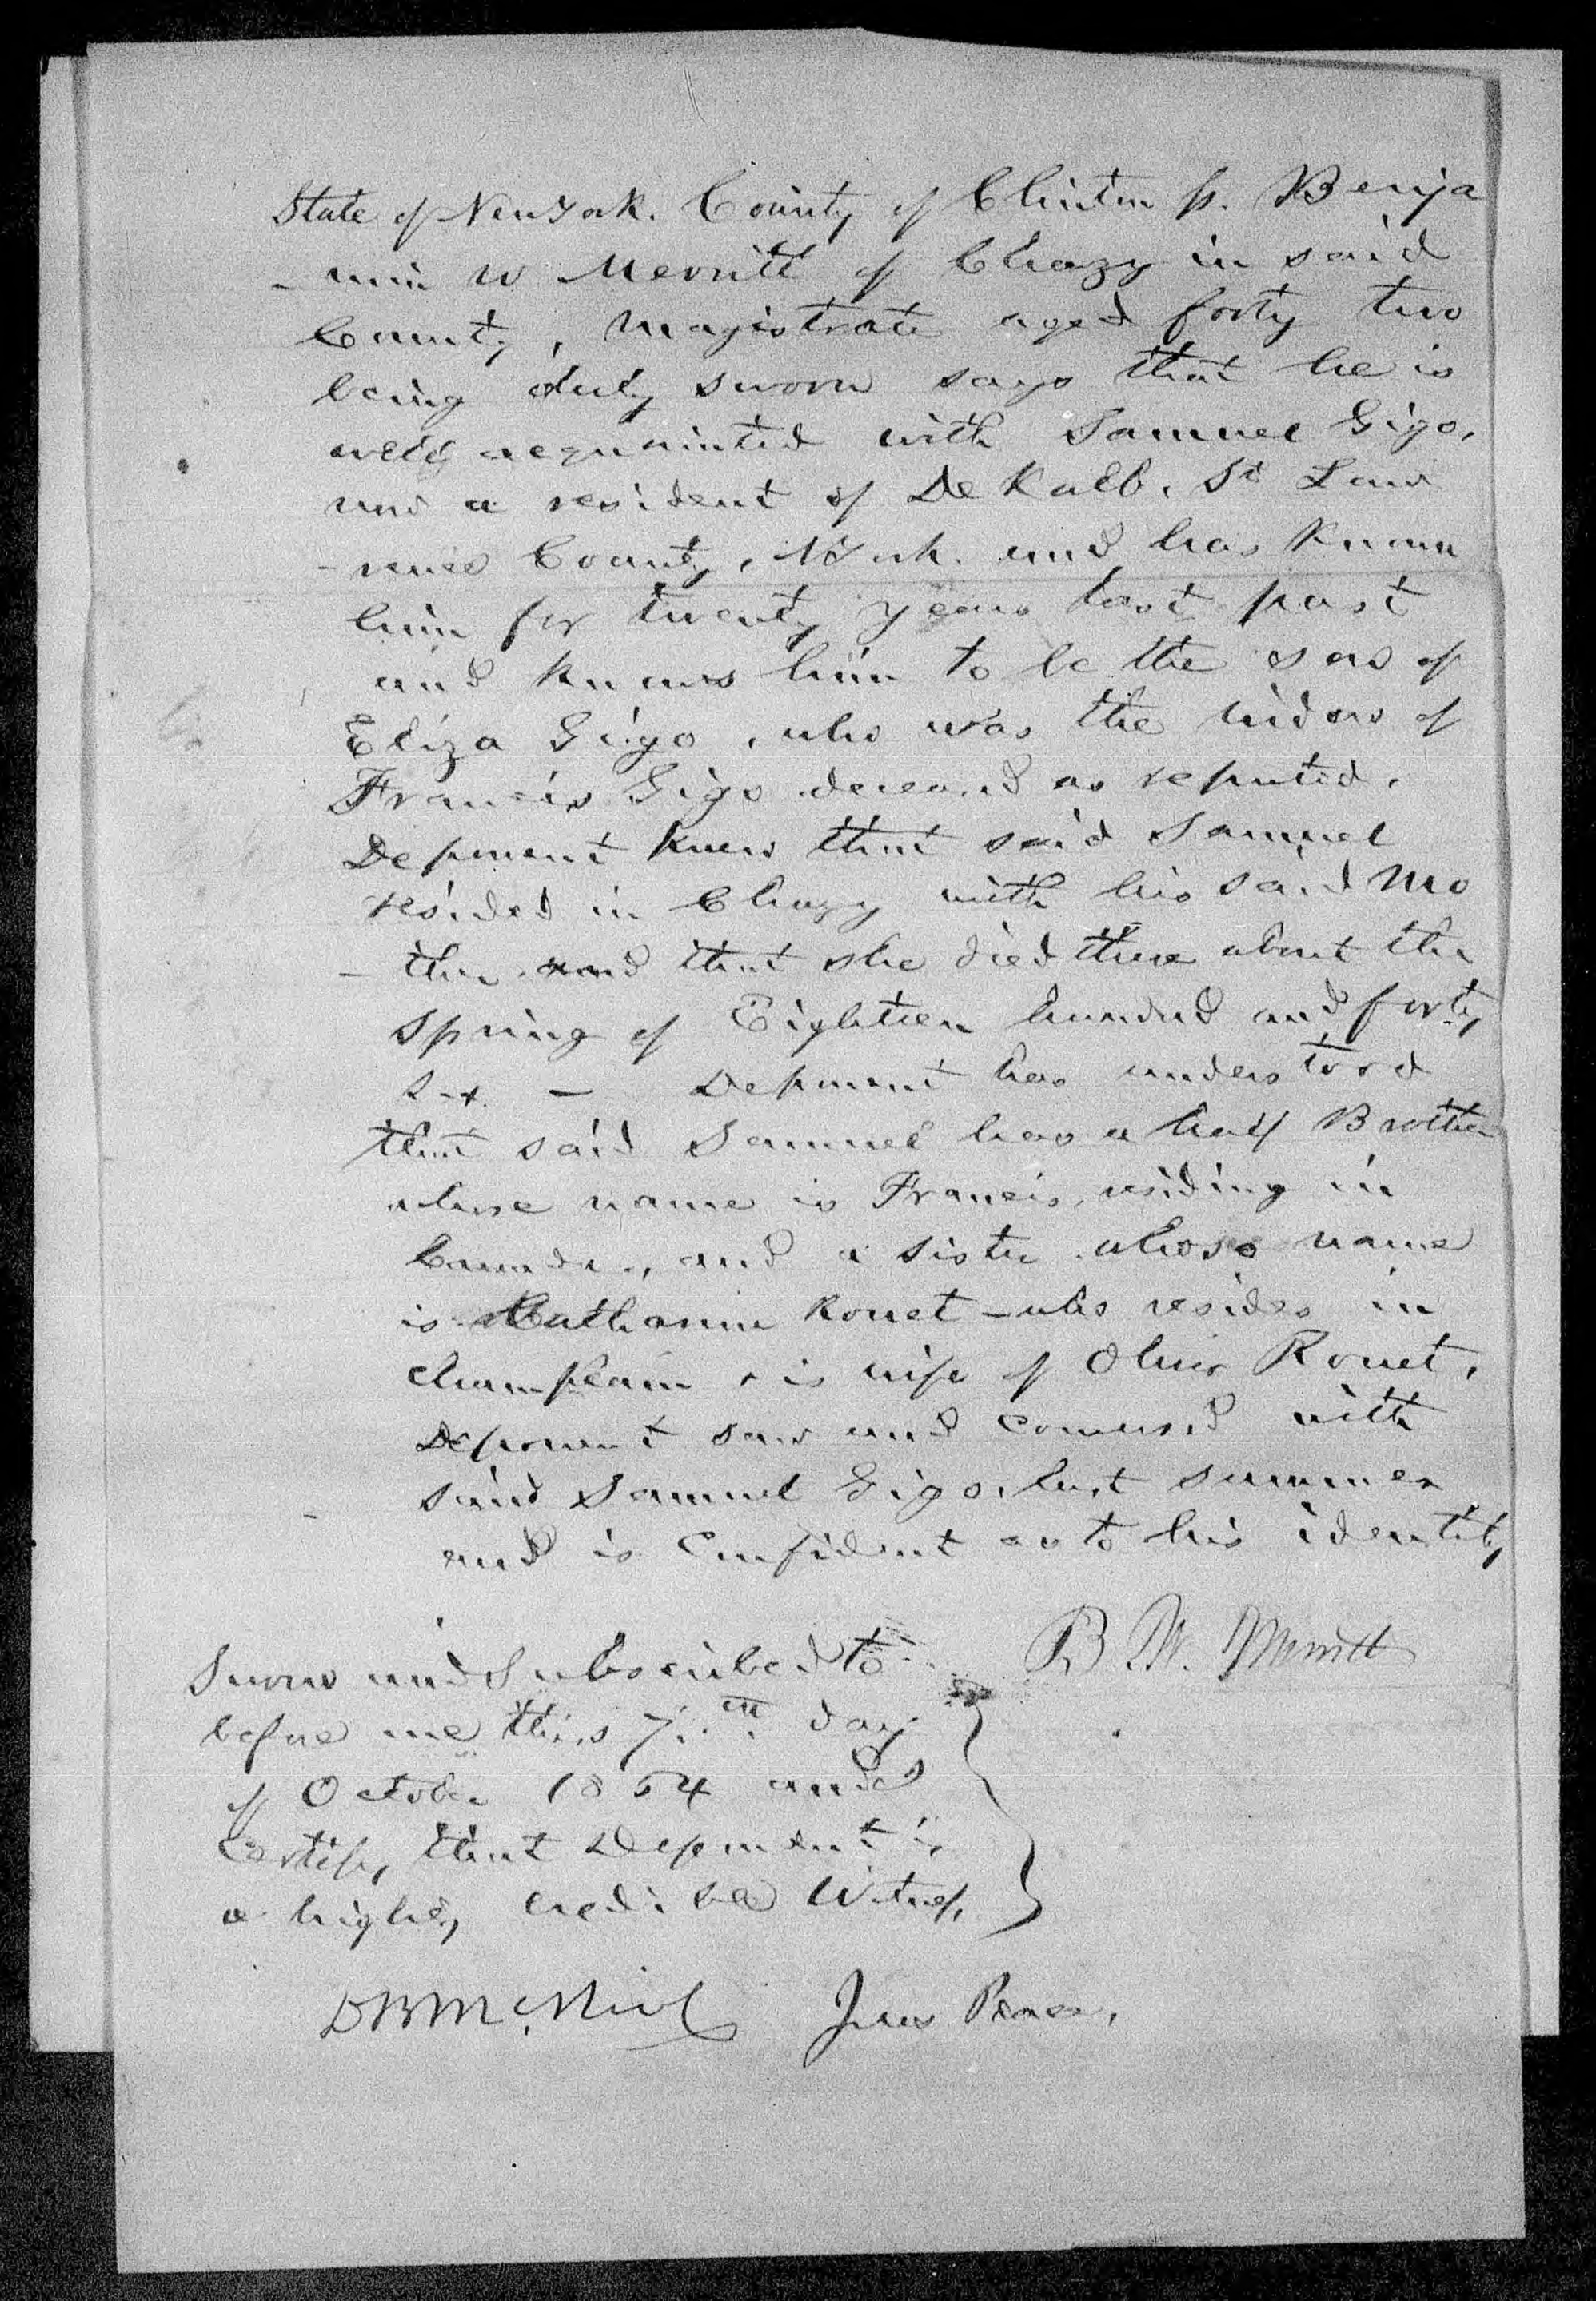State of New York. County of Clinton ss
Benjamin W. Mernitt of Chazy in said county, magistrate aged forty two being duly sworn says that he is well acquainted with Samuel Gigo, and a resident of DeKalb, St. Lawrence County, N York and has known him for twenty years last past and knows him to be the son of Eliza Gigo, who was the widow of Francis Gigo deceased as reputed.
Deponent knew that said Samuel resided in Chazy with his said mother, and that she died there about the spring of Eighteen hundred and forty six -
Deponent has understood that said Samuel had a half Brother whose name is Francis residing in Canada, and a sister whose name is Catharine Roust who resides in Champlain & is wife of Oliver Roust.
Deponent saw and conversed with said Samuel Gigo last summer and is confident as to his identity.
B. W. Merritt
Sworn and Subscribed to before me this 7th day of October 1854 and I certify that Deponent is a highly credible witness.
DB Merrnit  Justice Peace,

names: Samuel Gigo, Catharine Rouet, Oliver Rouet, D B Mc Neil, Francis, Benjamin W Merritt, Samuel Gigo, Samuel, Eliza Gigo, Francis Gigo, Samuel, B W Merritt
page: 44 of 98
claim: widow's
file: W. 21182, Francis Gigo, Continental (Canadian)